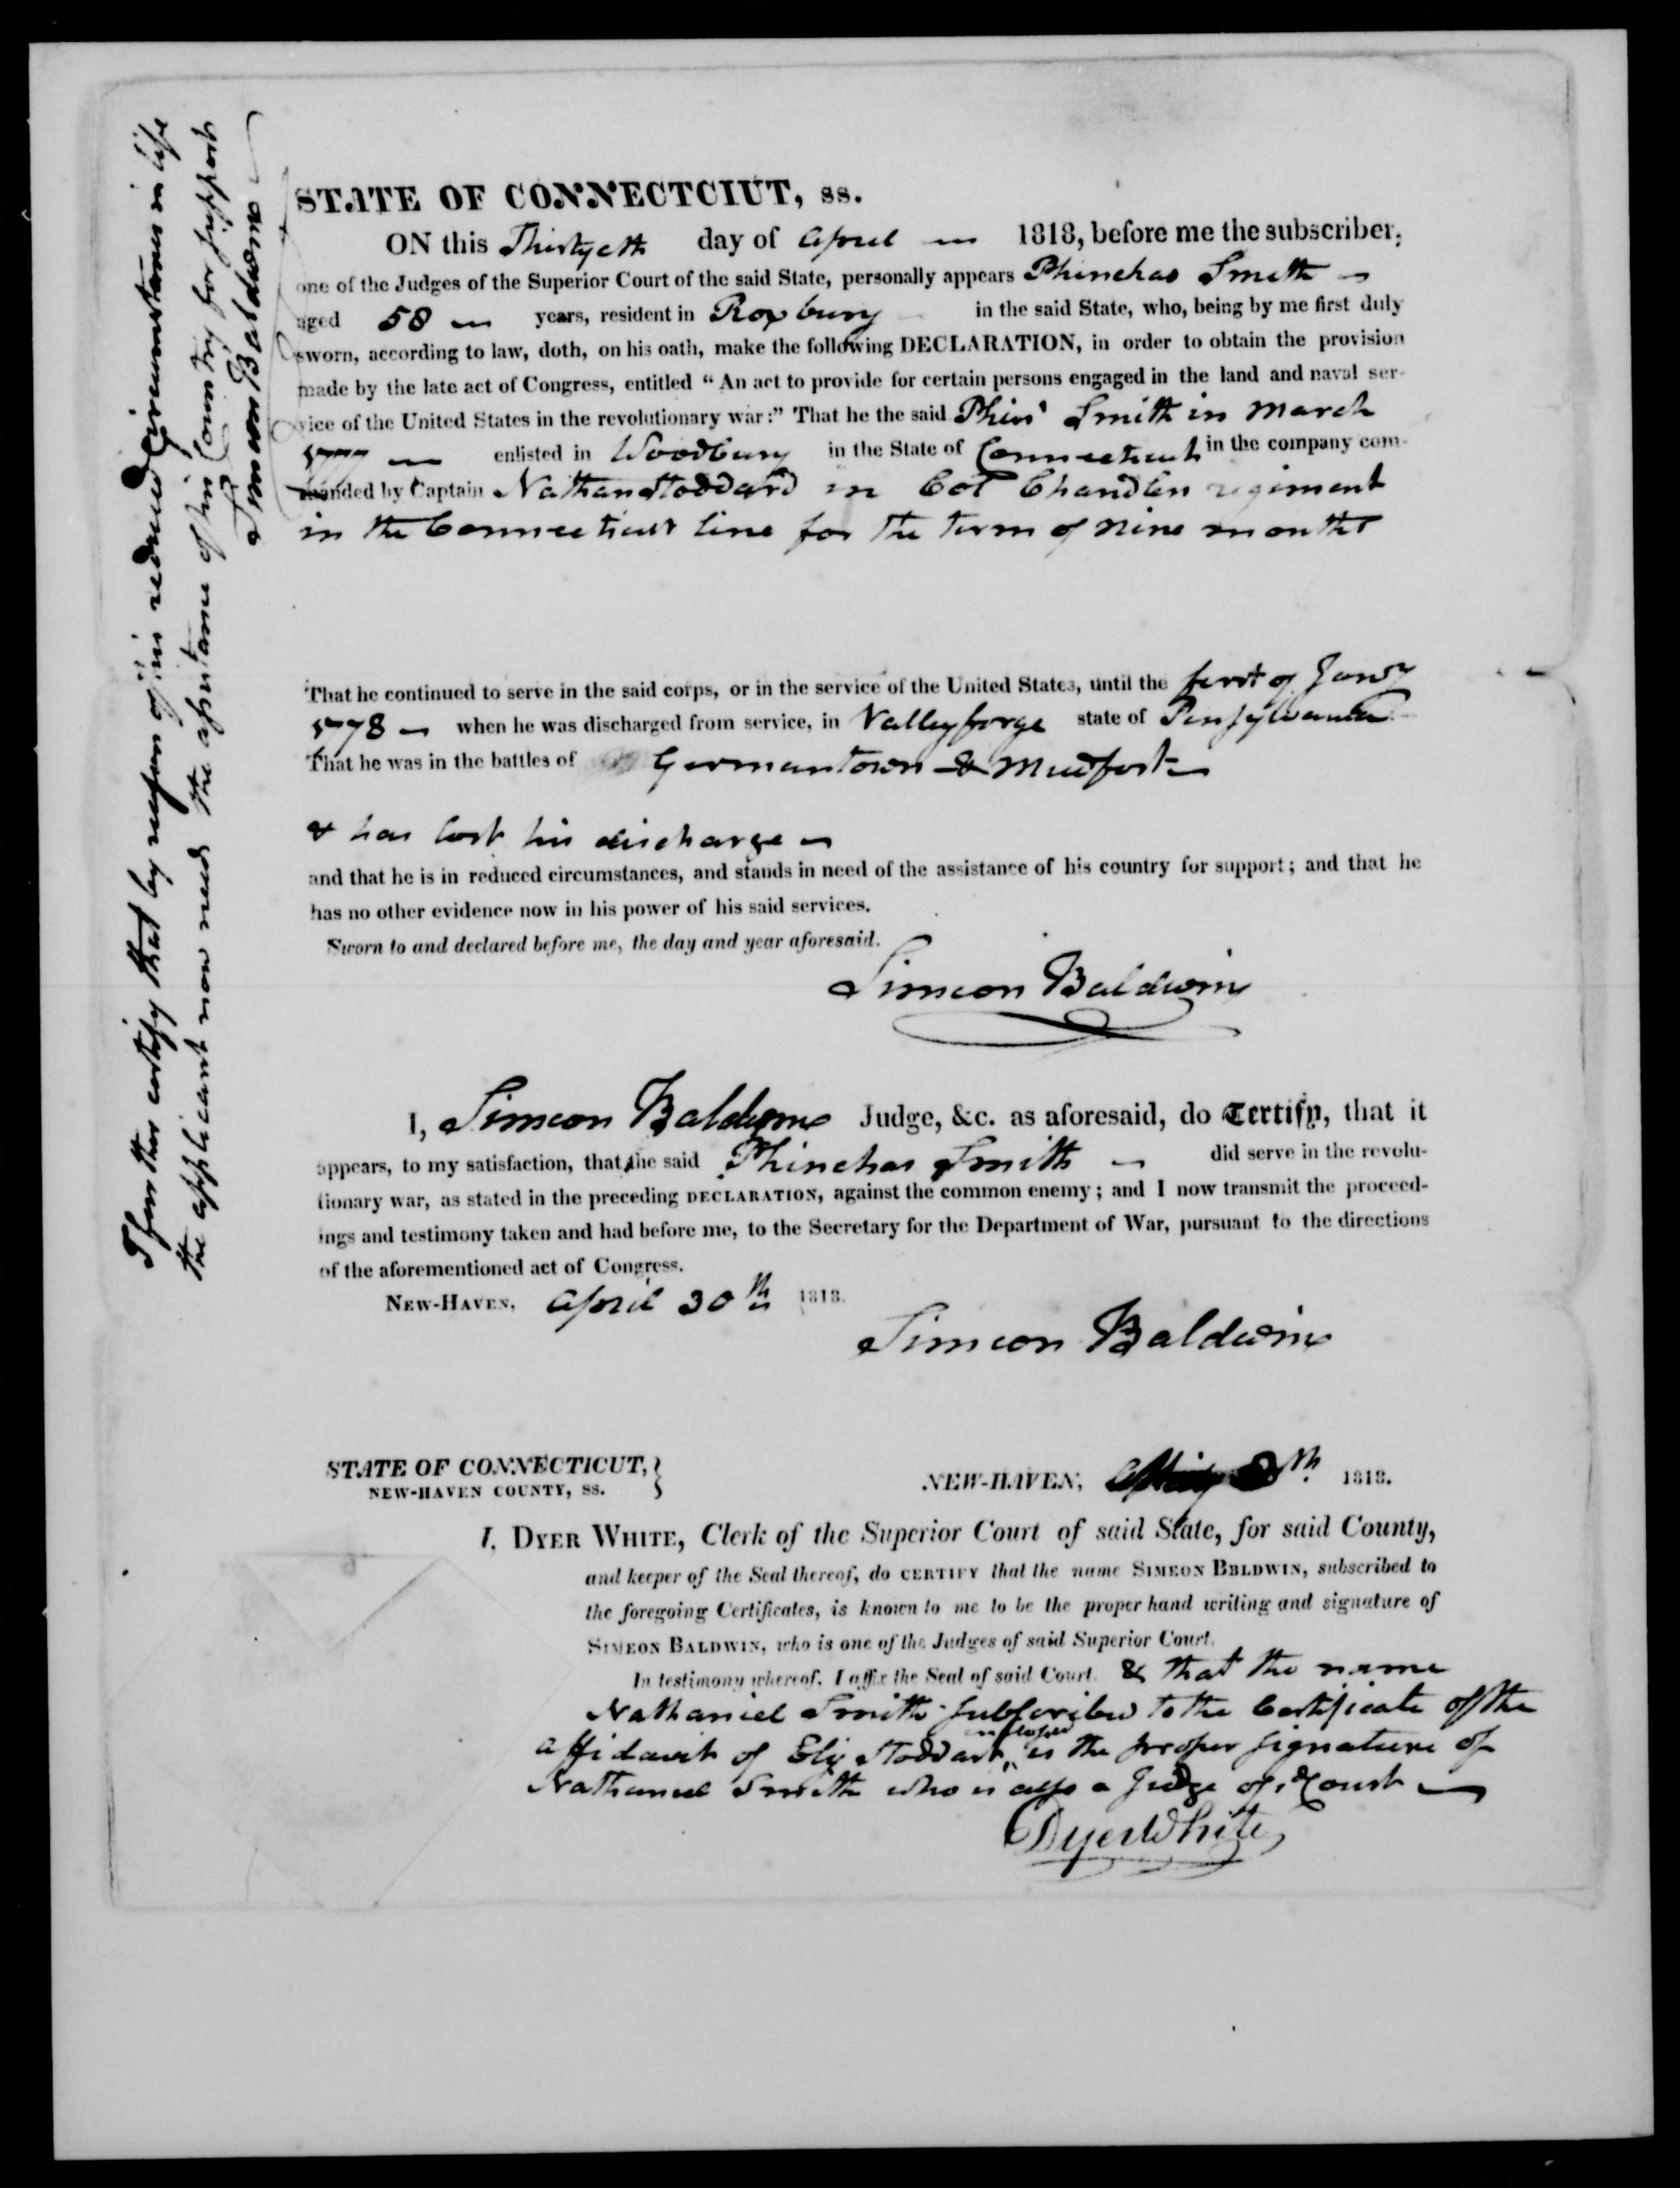STATE OF CONNECTCUT, ss. 
On this Thirtieth day of April 1818, before me the subscriber, one of the Judges of the Superior Court of the said State, personally appears Phinehas Smith aged 50 years, resident in Roxbury in the said State, who, being by me first duly sworn, according to law, doth, on his oath, make the following DECLARATION, in order to obtain the provision made by the late act of Congress, entitled "An act to provide for certain persons engaged in the land and naval service of the United States in the revolutionary war:"  That he the said Phinehas Smith in March 1777 enlisted in Woodbury in the State of Connecticut in the company commanded by Captain Nathan Stoddard in Col Chandlers regiment in the Connecticut line for the term of nine months.   
That he continued to serve in the said corps, or in the service of the United States, until the first of Jany 1778 when he was discharged from service, in Valley Forge state of Pennsylvania.   That he was in the battles of Germantown & Mud Fort & has lost his discharge and that he is in reduced circumstances, and stands in need of the assistance of his country for support; and that he has no other evidence now in his power of his said services. 
Sworn to and declared before me the day and year aforesaid.  
Simon Baldwin 
I Simeon Baldwin  Judge, &c. as aforesaid, do certify, that it appears to my satisfaction, that the said Phinehas Smith did serve in the revolutionary war, as stated in the preceding DECLARATION, against the common enemy; and I now transmit the proceedings and testimony taken and had before me, to the Secretary for the Department of War, pursuant to the directions of the aforementioned act of Congress. 
STATE OF CONNECTICUT
NEW HAVEN COUNTY ss}  NEW-HAVEN 1818 
I, DYER WHITE, Clerk of the Superior Court of said State, for said County, and keeper of the Seal thereof, do CERTIFY that the name SIMEON BALDWIN, subscribed to the forgoing certificate, is known to me to be the proper hand wring and signature of SIMEON BALDWIN, who is one of the Judges of said Superior Court. 
In testimony whereof, I affix the Seal of said Court & that the name Nathaniel Smith subscriber to the Certificate of the affidavit of Eli Stoddard is the proper signature of Nathaniel Smith who is assoc Judge of said Court 
Dyer White
I further certify that by reason of his reduced circumstances in life the applicant now needs the assistance of his Country for support.
Simeon Baldwin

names: Nathan Stoddard; Dyer White; Phinehas Smith; Phins Smith; Phinehas Smith; Nathaniel Smith; Simeon Baldwin; Nathaniel Smith; Simeon Baldwin; Simeon Baldwin; Ely Stoddard; Simeon Baldwin; Simeon Baldwin; Dyer White; Simeon Baldwin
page: 28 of 55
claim: widow's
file: W. 11480, for Phinehas Smith, Connecticut